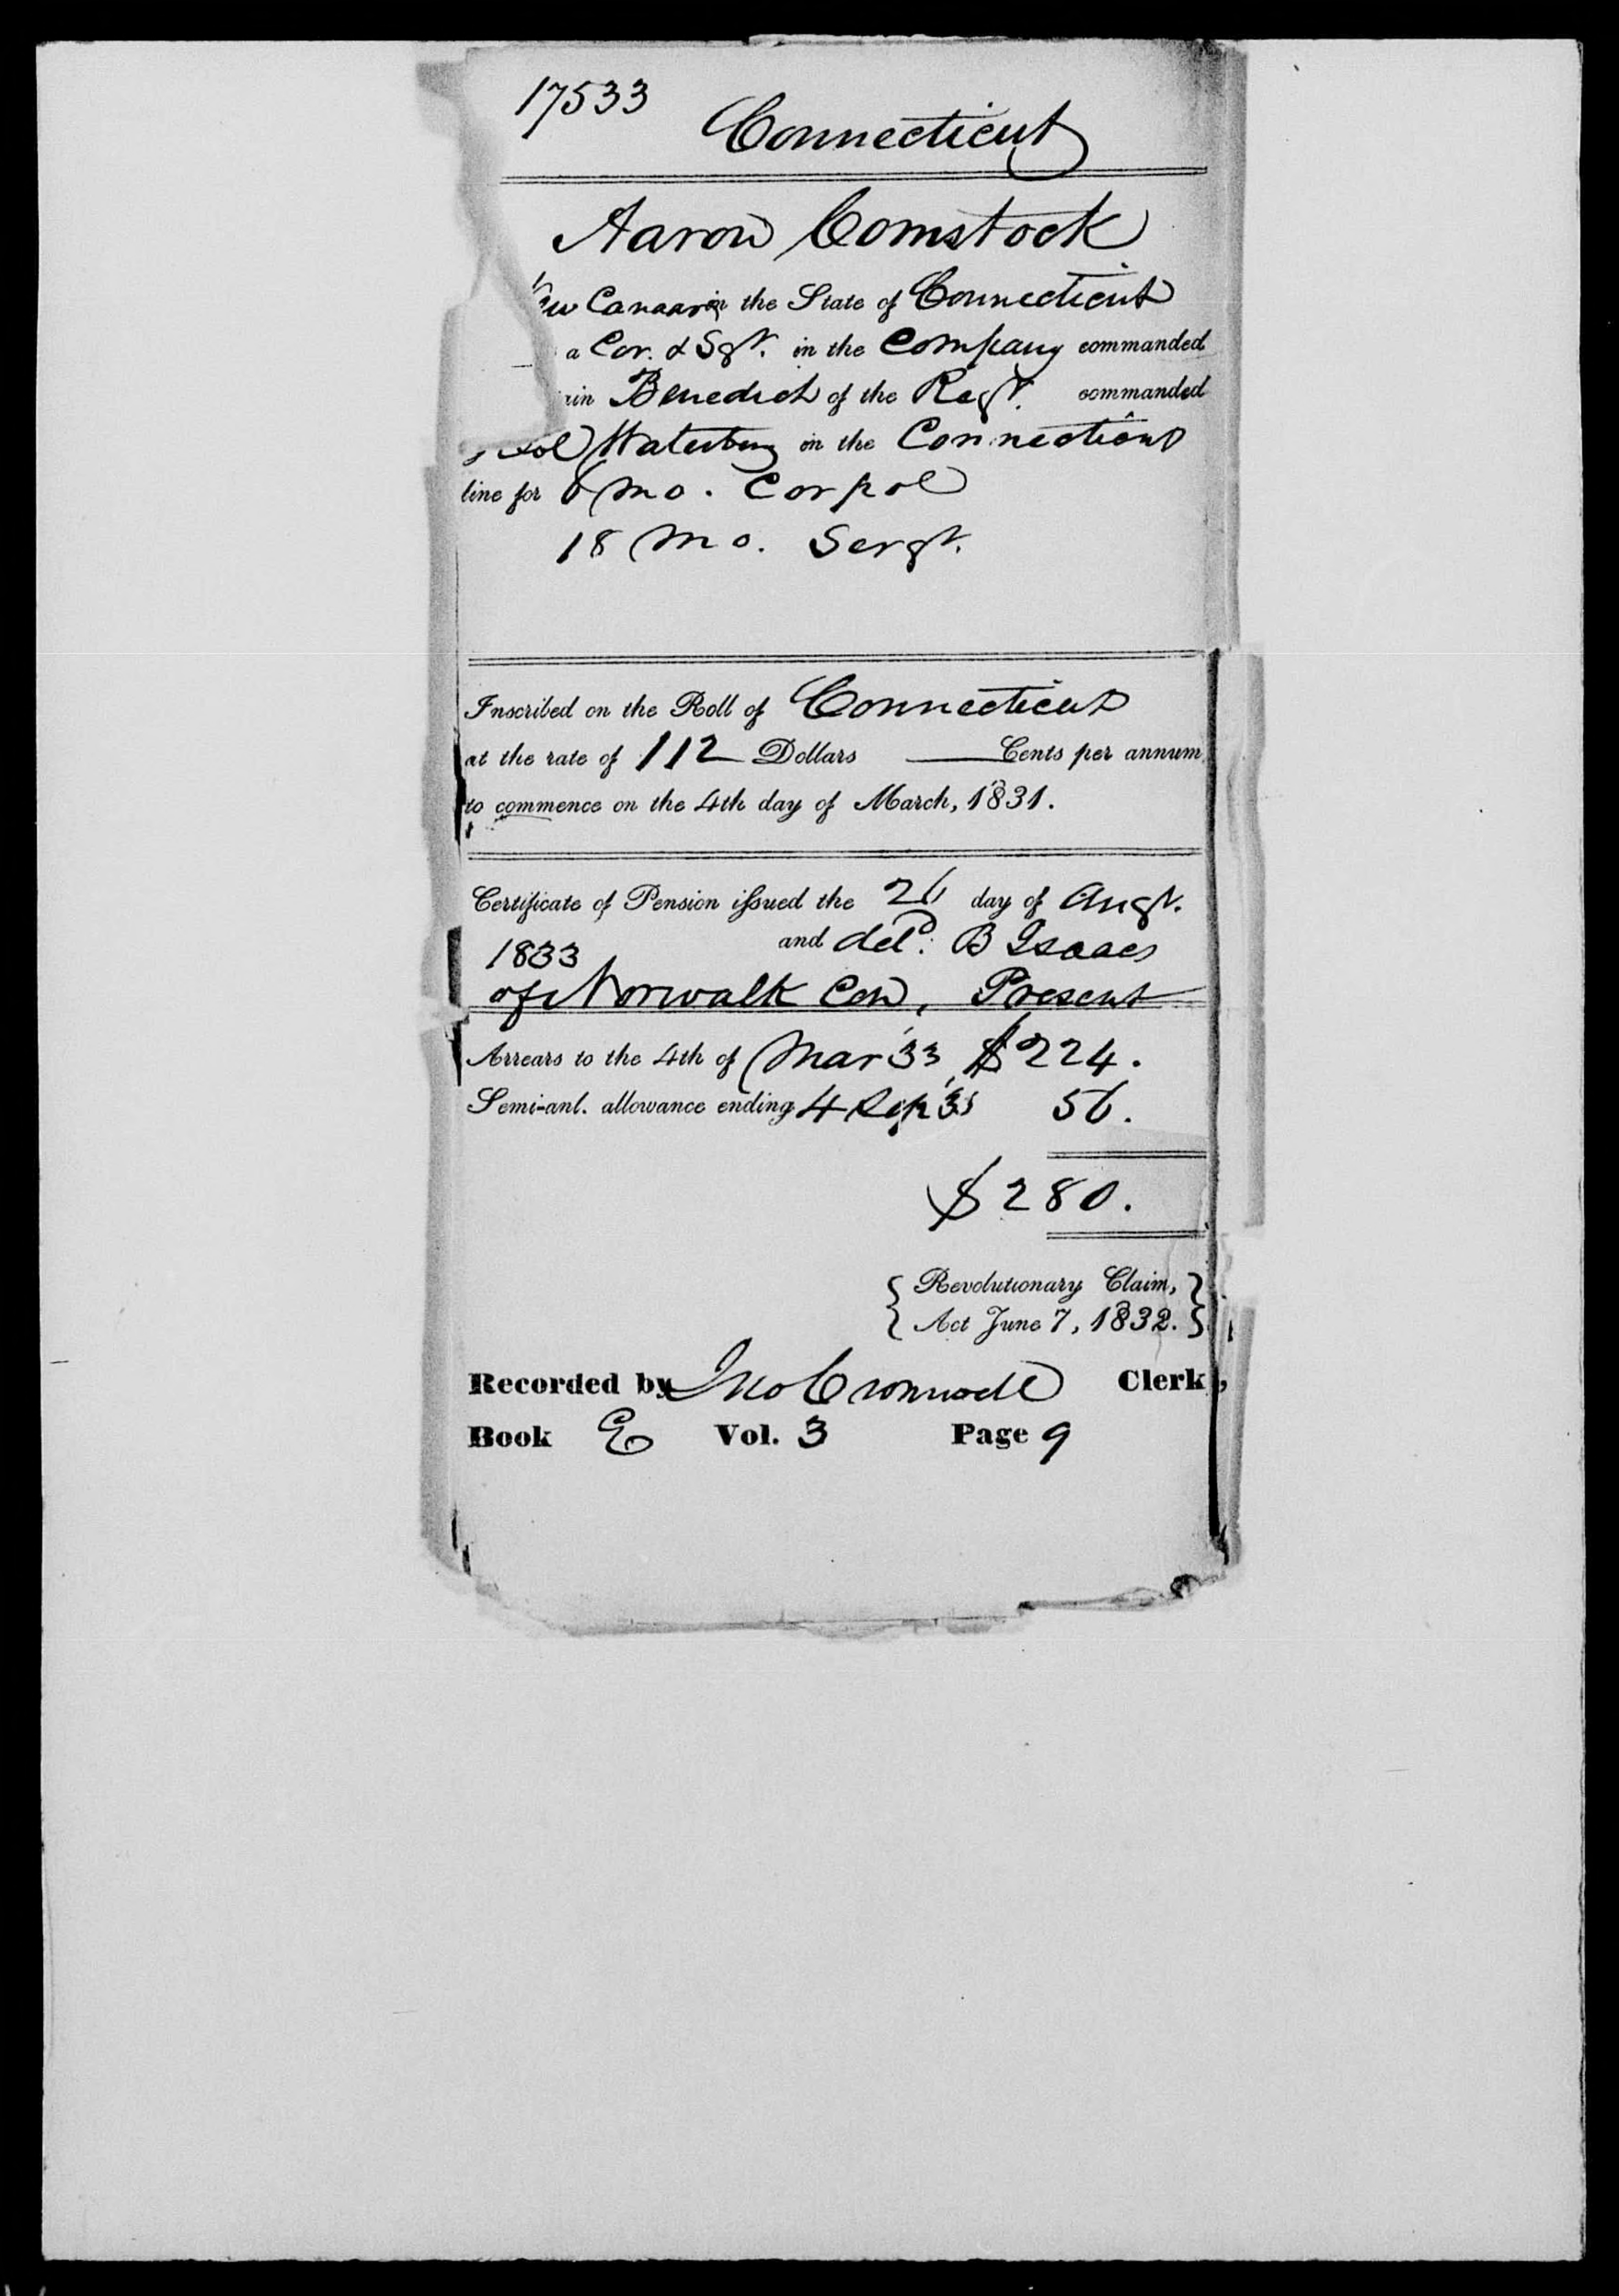17533
Connecticut

Aaron Comstock
New Canaan in the State of Connecticut
a Cor. & Sgt. in the Company commanded [by Capt]ain Benedick of the Regt. commanded [by] Col Waterbury in the Connecticut line for 6 mo. corpol
18 mo. sergt.

Inscribed on the Roll of Connecticut at the rate of 112 Dollars - Cents per annum to commence on the 4th day of March, 1831.

Certificate of Pension issued the 26 day of Augt. 1833 and deld. B Isaacs of Norwalk Con, Present

Arrears to the 4th of Mar '33, $224.
Semi-anl. allowance ending 3 Sep '33  56.
$280.

Revolutionary Claim,
Act June 7, 1832.

Recorded by Jno Cromwell Clerk
Book E Vol. 3 Page 9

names: B Isaacs, Aaron Comstock, Waterbury, Benedict, Jno Cronwell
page: 2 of 43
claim: widow's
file: W. 17,647, Aaron Comstock, Conn.